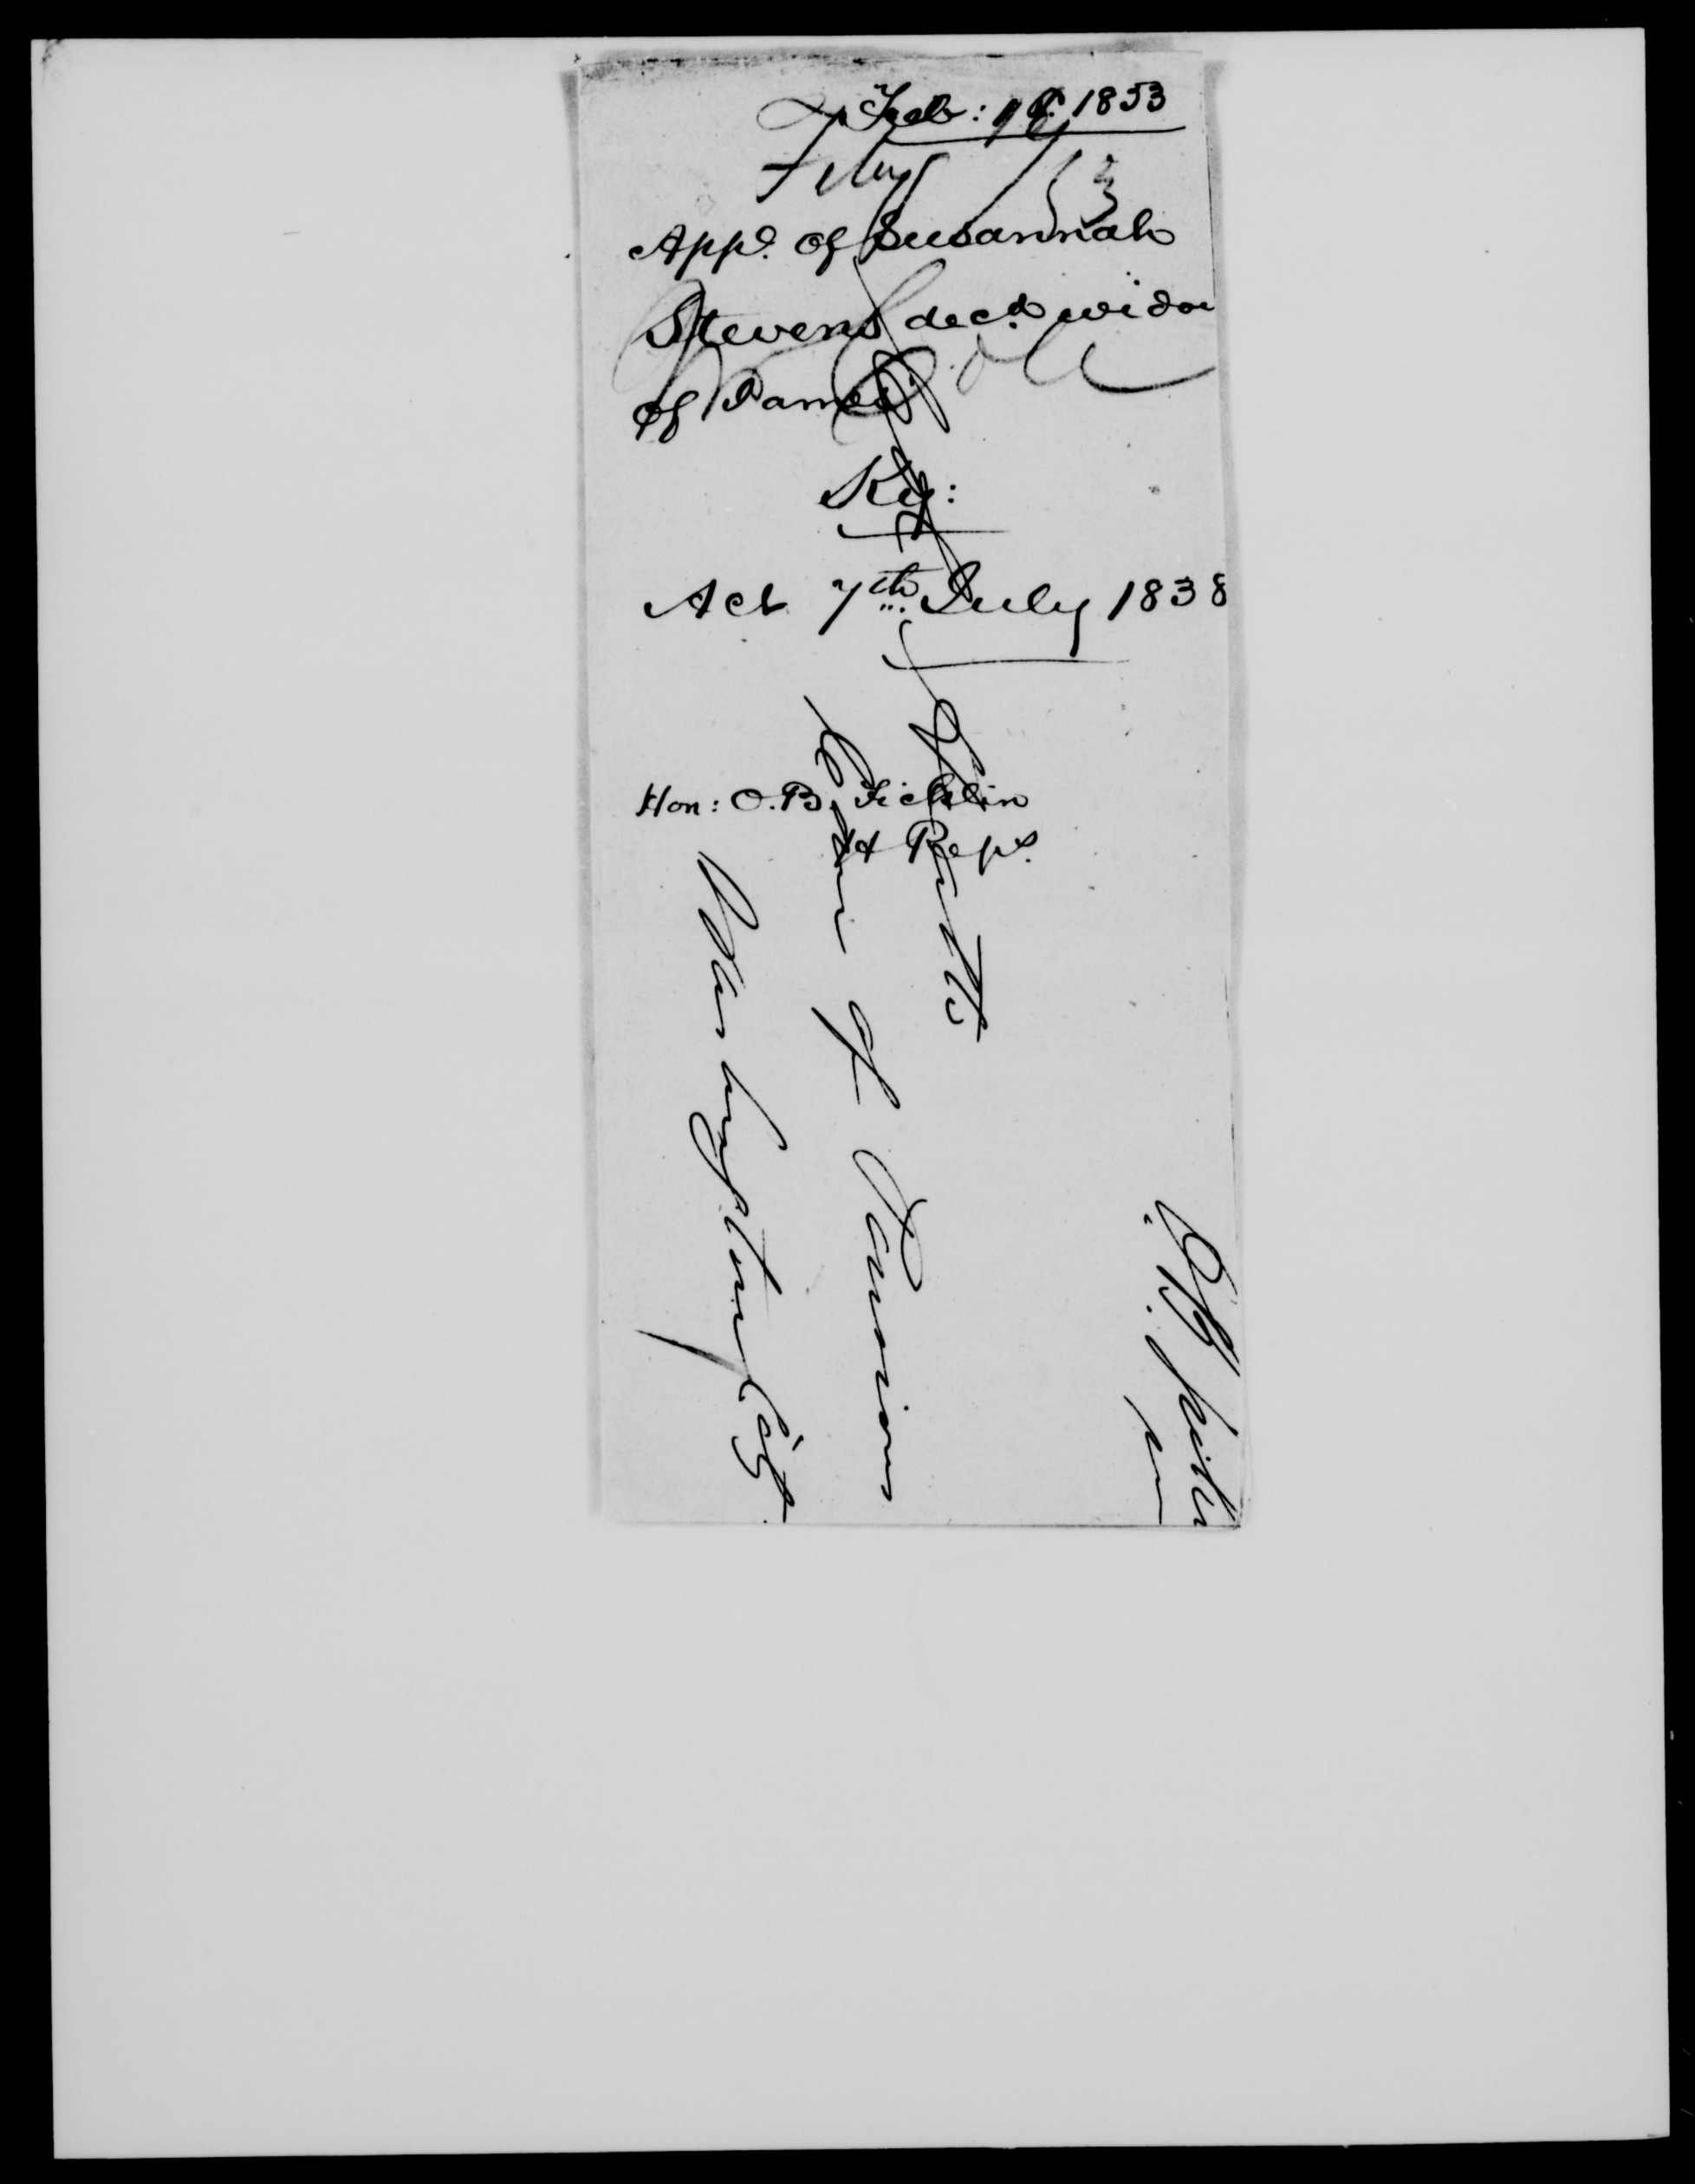Feb: [illegible] 1853

Appl of Susannah Stevens decd widow of James
Ky:
Act 7th July 1838
Hon: O.B. Fickin
H Reps

Feby 153
W Cole

[writing perpendicular to above]
[illegible]
O.B. [illegible]
Com of Pension
Washington City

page: 47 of 99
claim: widow's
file: W 8766, for James Stevens, Virginia